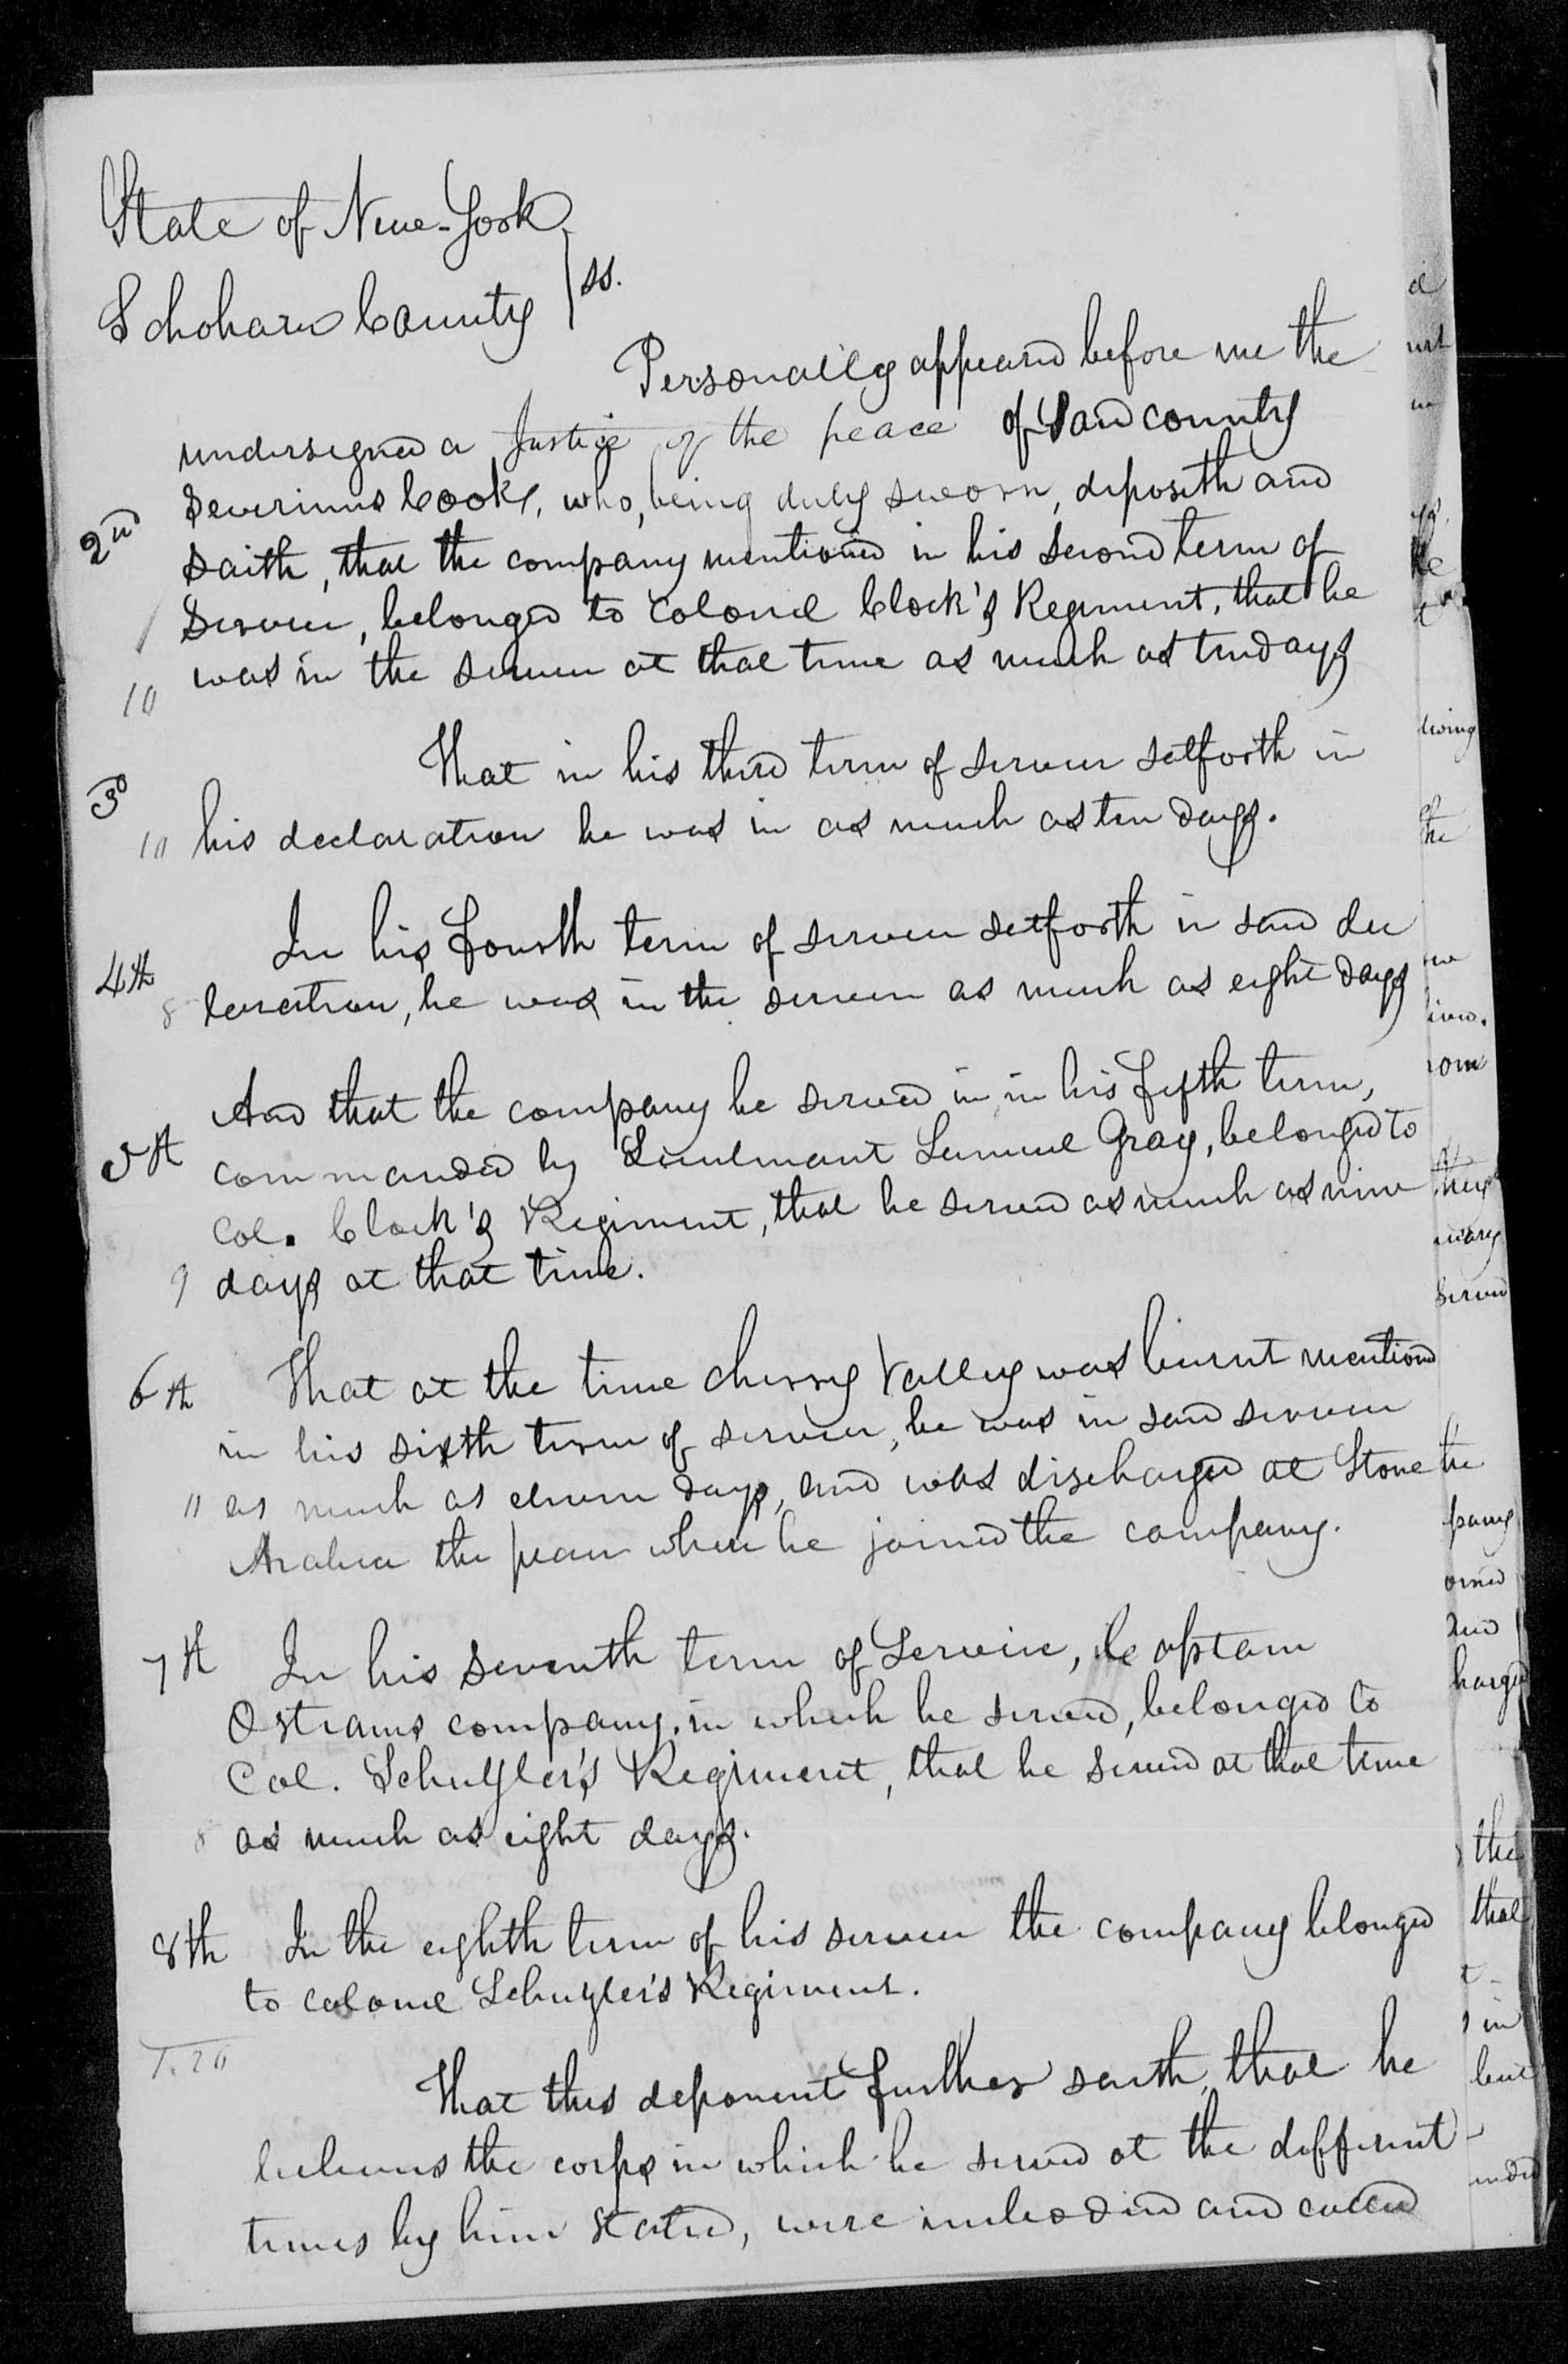State of New York
Schoharie County} ss. 

2nd. 
Personally appeared before me the undersigned a Justice of the peace of said county, Serverinus Cook, who being duly sworn, deposeth and saith, that the company mentioned in his second term of service belongs to Colonel Clock's Regiment, that he was in the service at that time as much as ten days 

3rd. 
That in his third term of service set forth his declaration he was in as much as ten days. 

4th. 
In his fourth term of service set forth in said declaration he was in the service as much as eight days. 

5th And that the company he served in his fifth term, commanded by Lieutenant Samuel Gray, belonged to Col. Clock's Regiment, that he served as much as nine days at that time. 

6th That at the time Cherry Valley was burnt mentioned in his sixth term of service, he was in said service as much as eleven days, and was discharged at Stone Arabia the place where the joined the company. 

7th In his seventh term of Service, Captain Ostram's company, in which he served, belonged to Col Schuyler's Regiment, that he served at that time as much as eight days. 

8th In the eighth term of his service, the company belonged to Colonel Schuyler's Regiment.

That this deponent further saith that he believes the corps in which he served at the different times by him stated, were imbodied and called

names: Samuel Gray, Severinus Cook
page: 3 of 51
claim: survivor's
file: S. 12563, Severinus Cook, New York